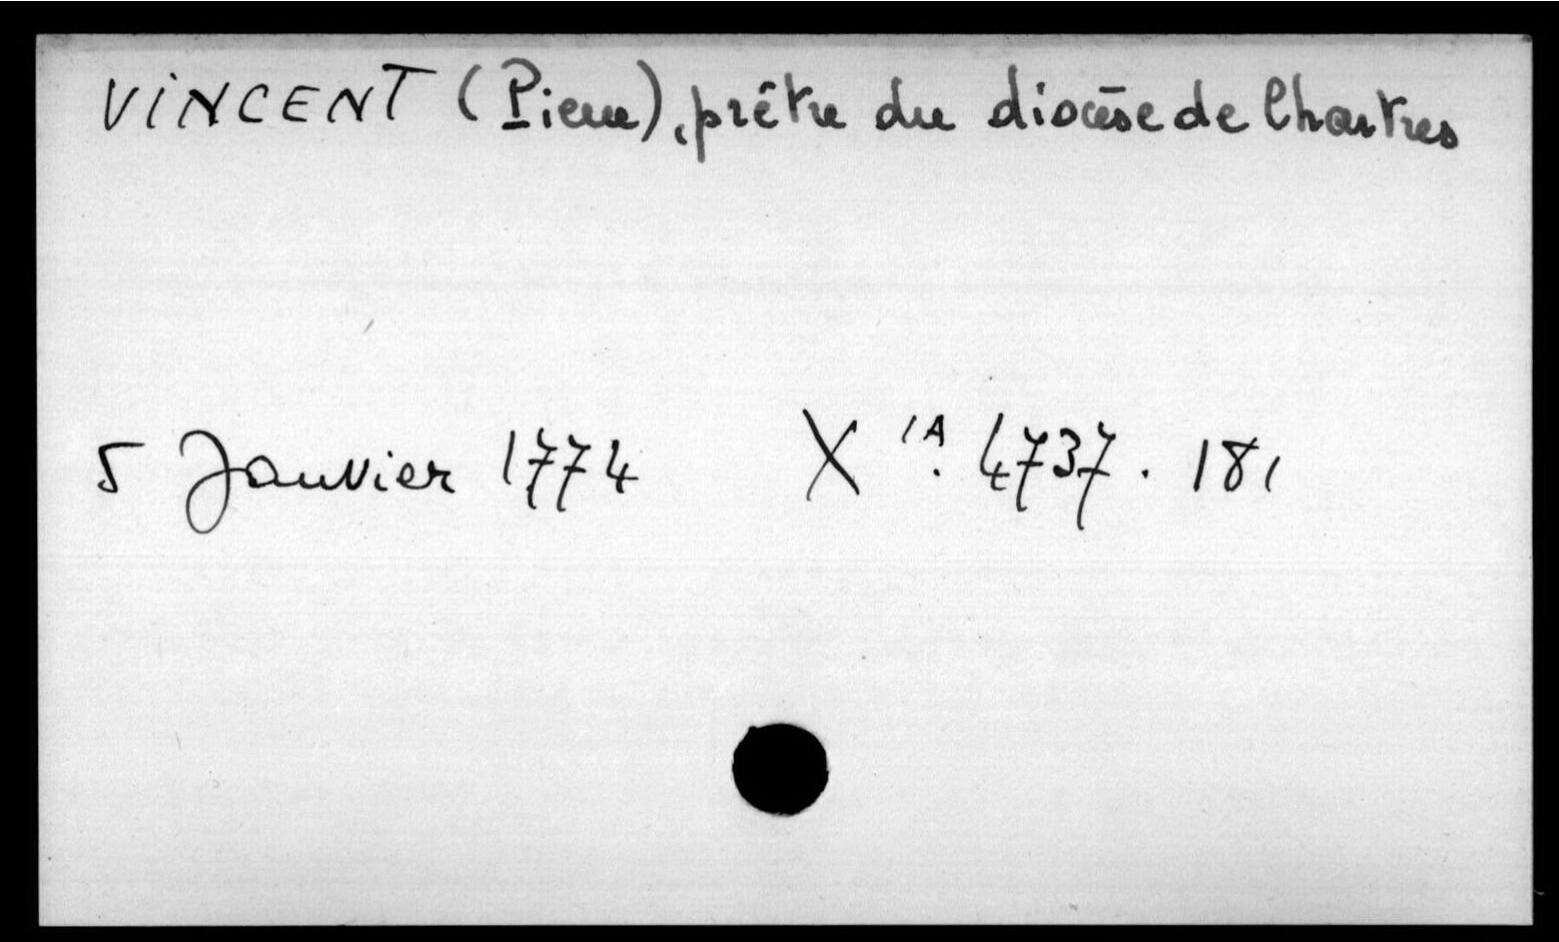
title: VINCENT (Pierre), prêtre du diocèse de Chartres
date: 5 janvier 1774
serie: X1A
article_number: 4737
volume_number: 181
